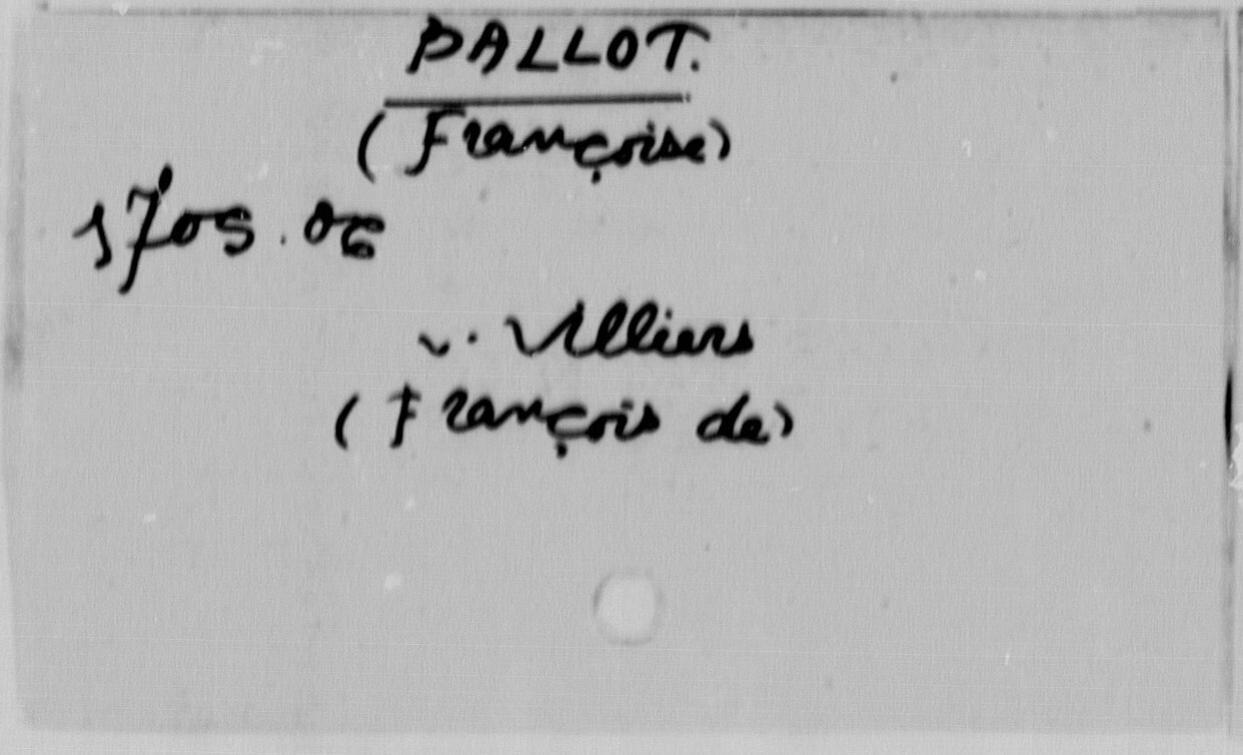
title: BALLOT (Françoise)
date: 1705-1706
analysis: Voir VILLIERS (François de)
